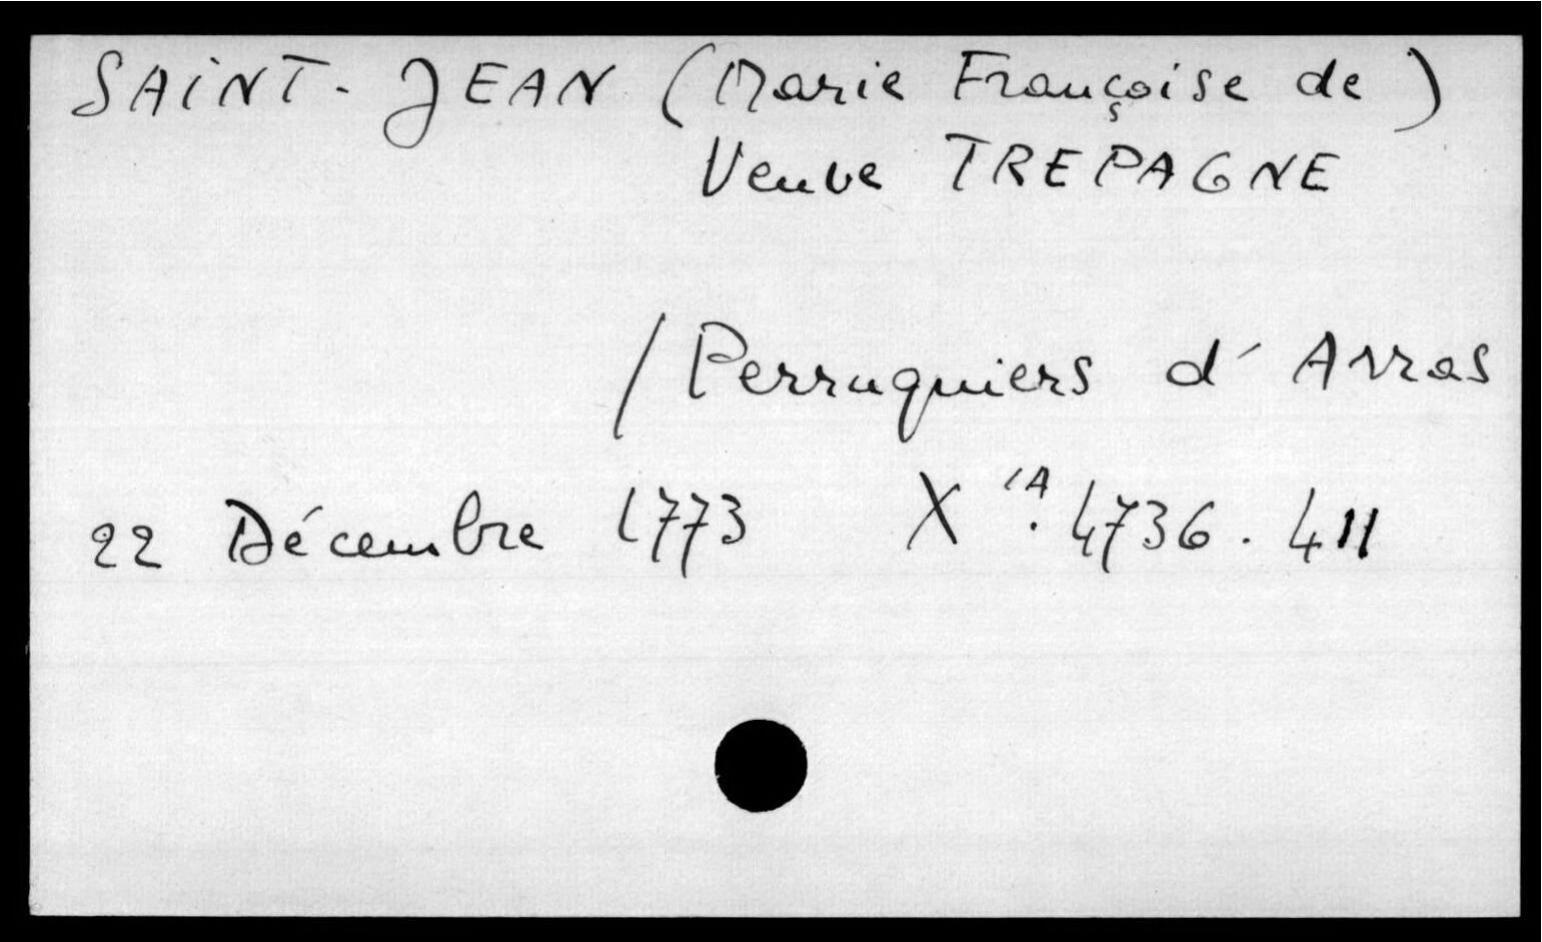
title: SAINT-JEAN (Marie Françoise de) Veuve TREPAGNE
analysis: Contre Perruquiers d'Arras
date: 22 décembre 1773
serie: X1A
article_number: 4736
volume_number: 411
